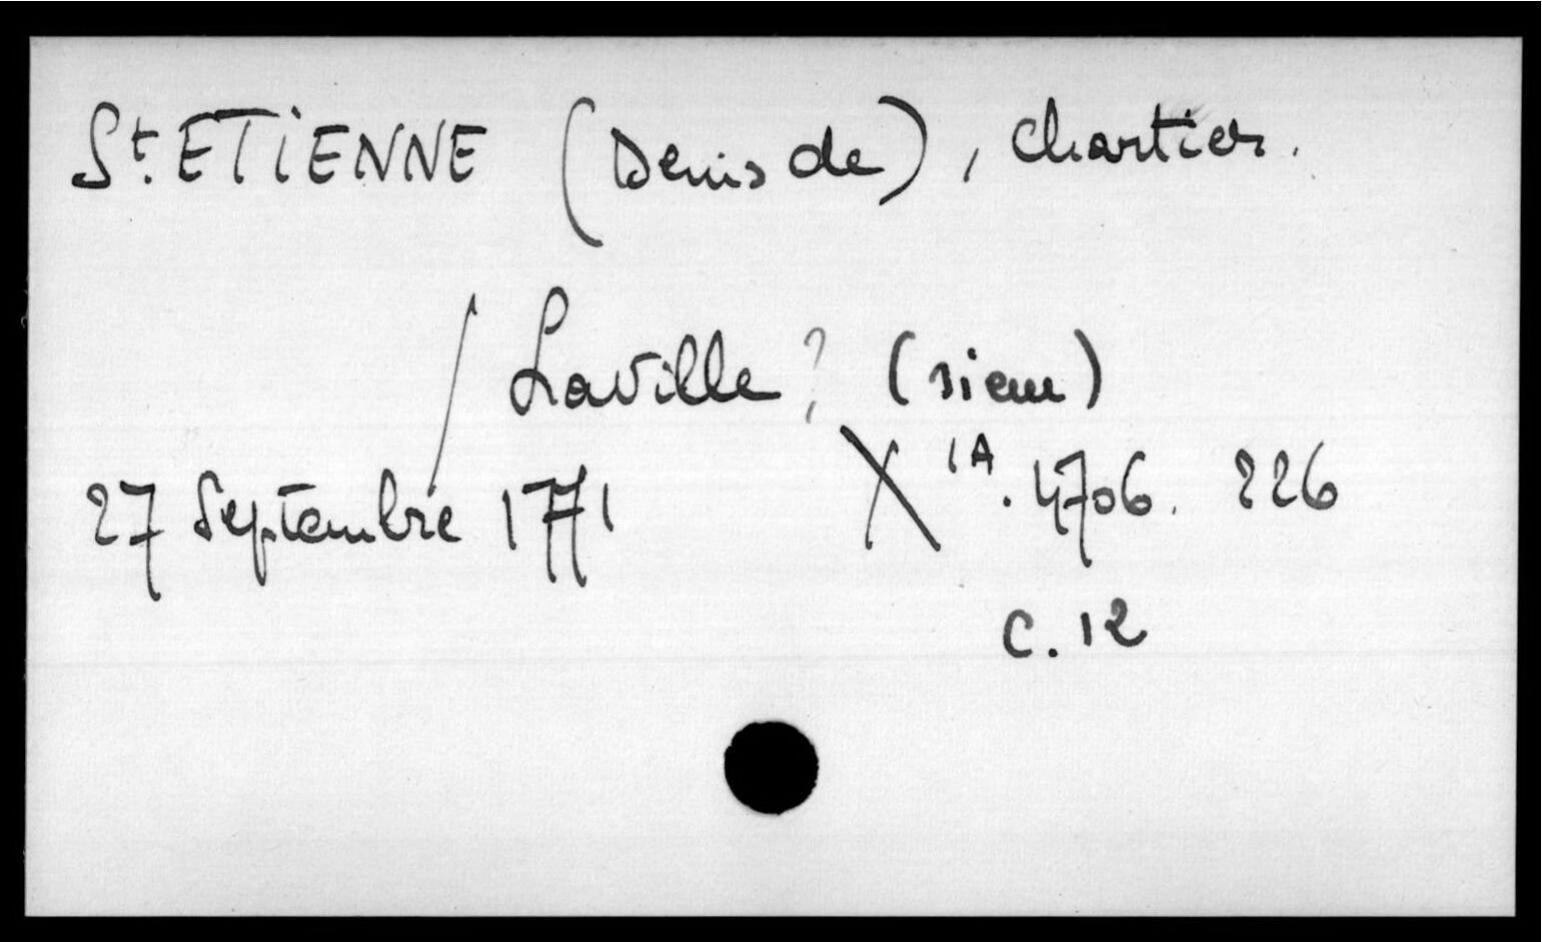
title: SAINT-ÉTIENNE (Denis de), chartier
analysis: Contre Laville ?, (sieur)
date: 27 septembre 1771
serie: X1A
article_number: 4706
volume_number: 226 Conseil, 12
